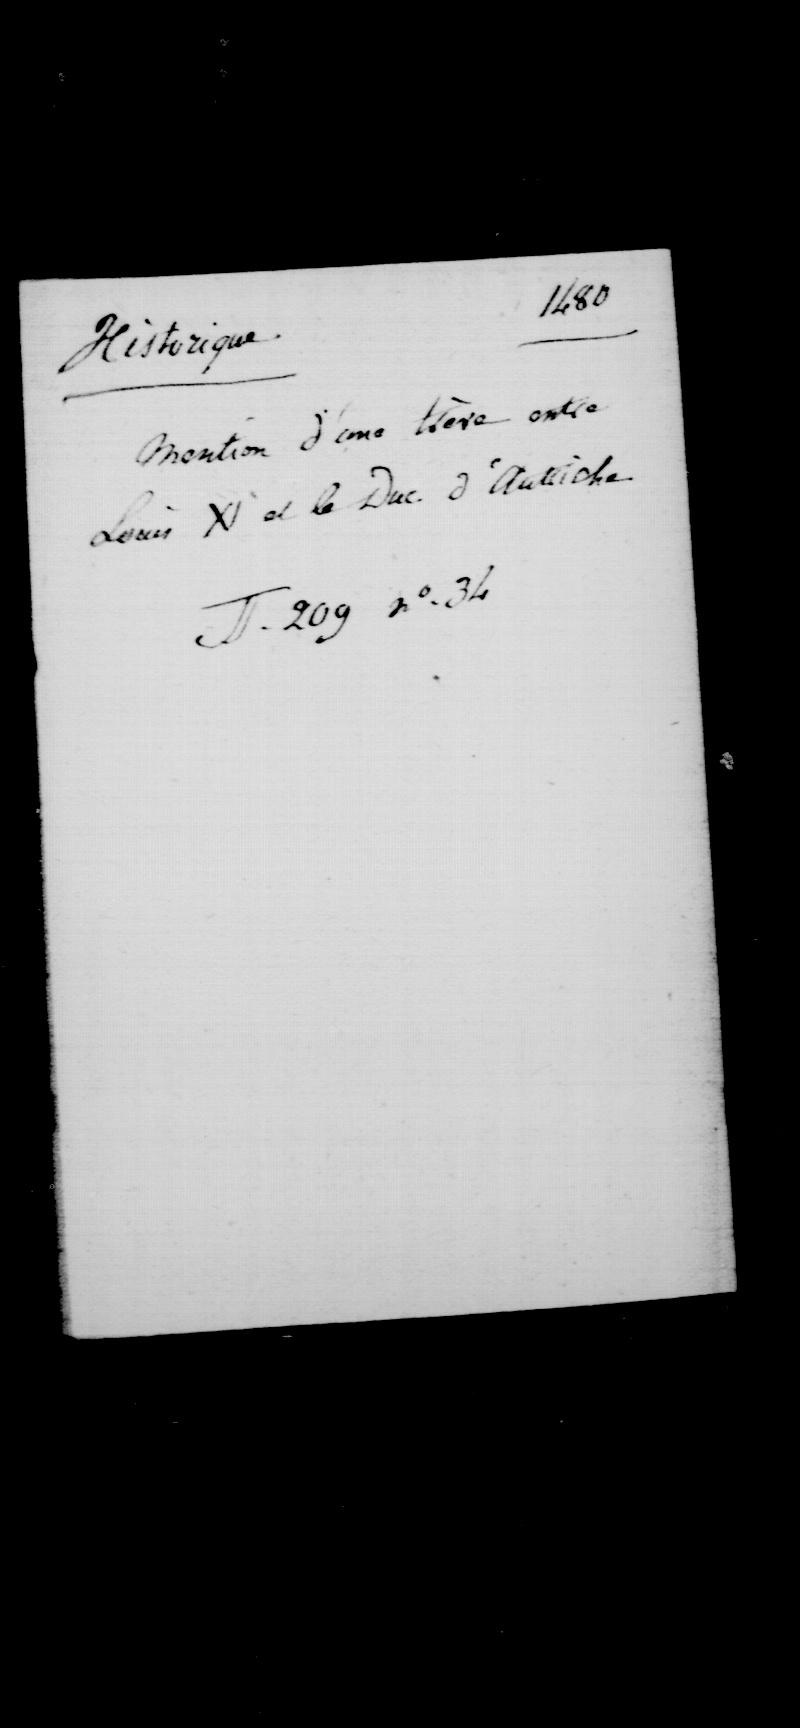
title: Historique
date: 1480
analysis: Mention d'une trève entre Louis XI et le Duc d'Autriche.
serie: JJ
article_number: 209
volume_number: n° 34
